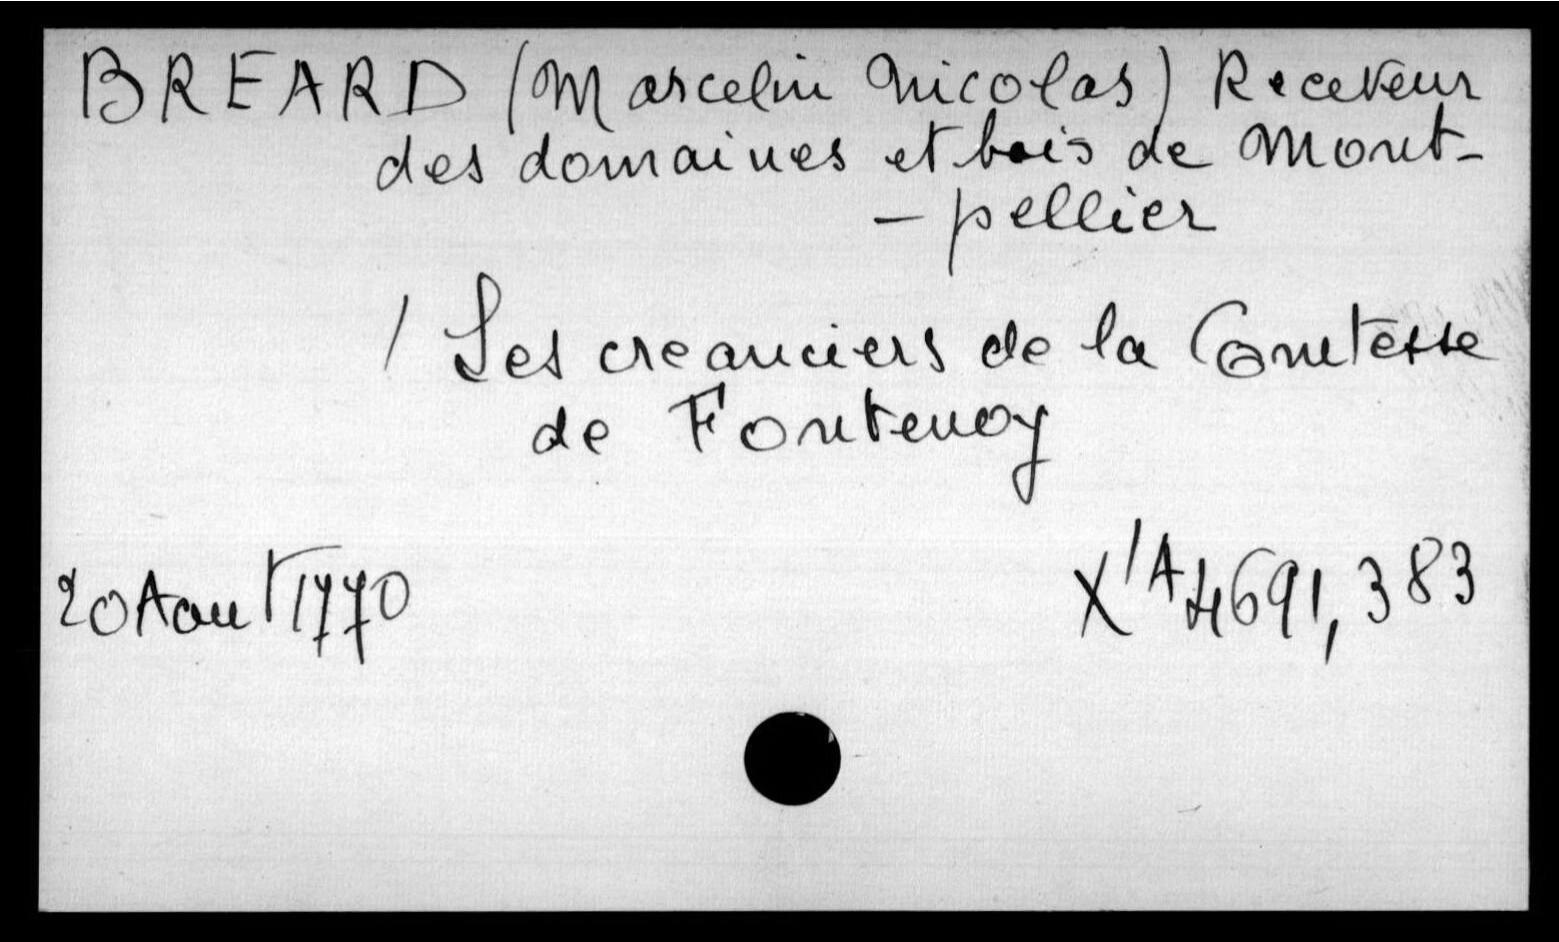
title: BREARD (Marcelin Nicolas) Receveur des domaines et bois de Montpellier
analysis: Contre Les créanciers de la comtesse de Fontenoy
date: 20 août 1770
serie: X1A
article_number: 4691
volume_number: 383
